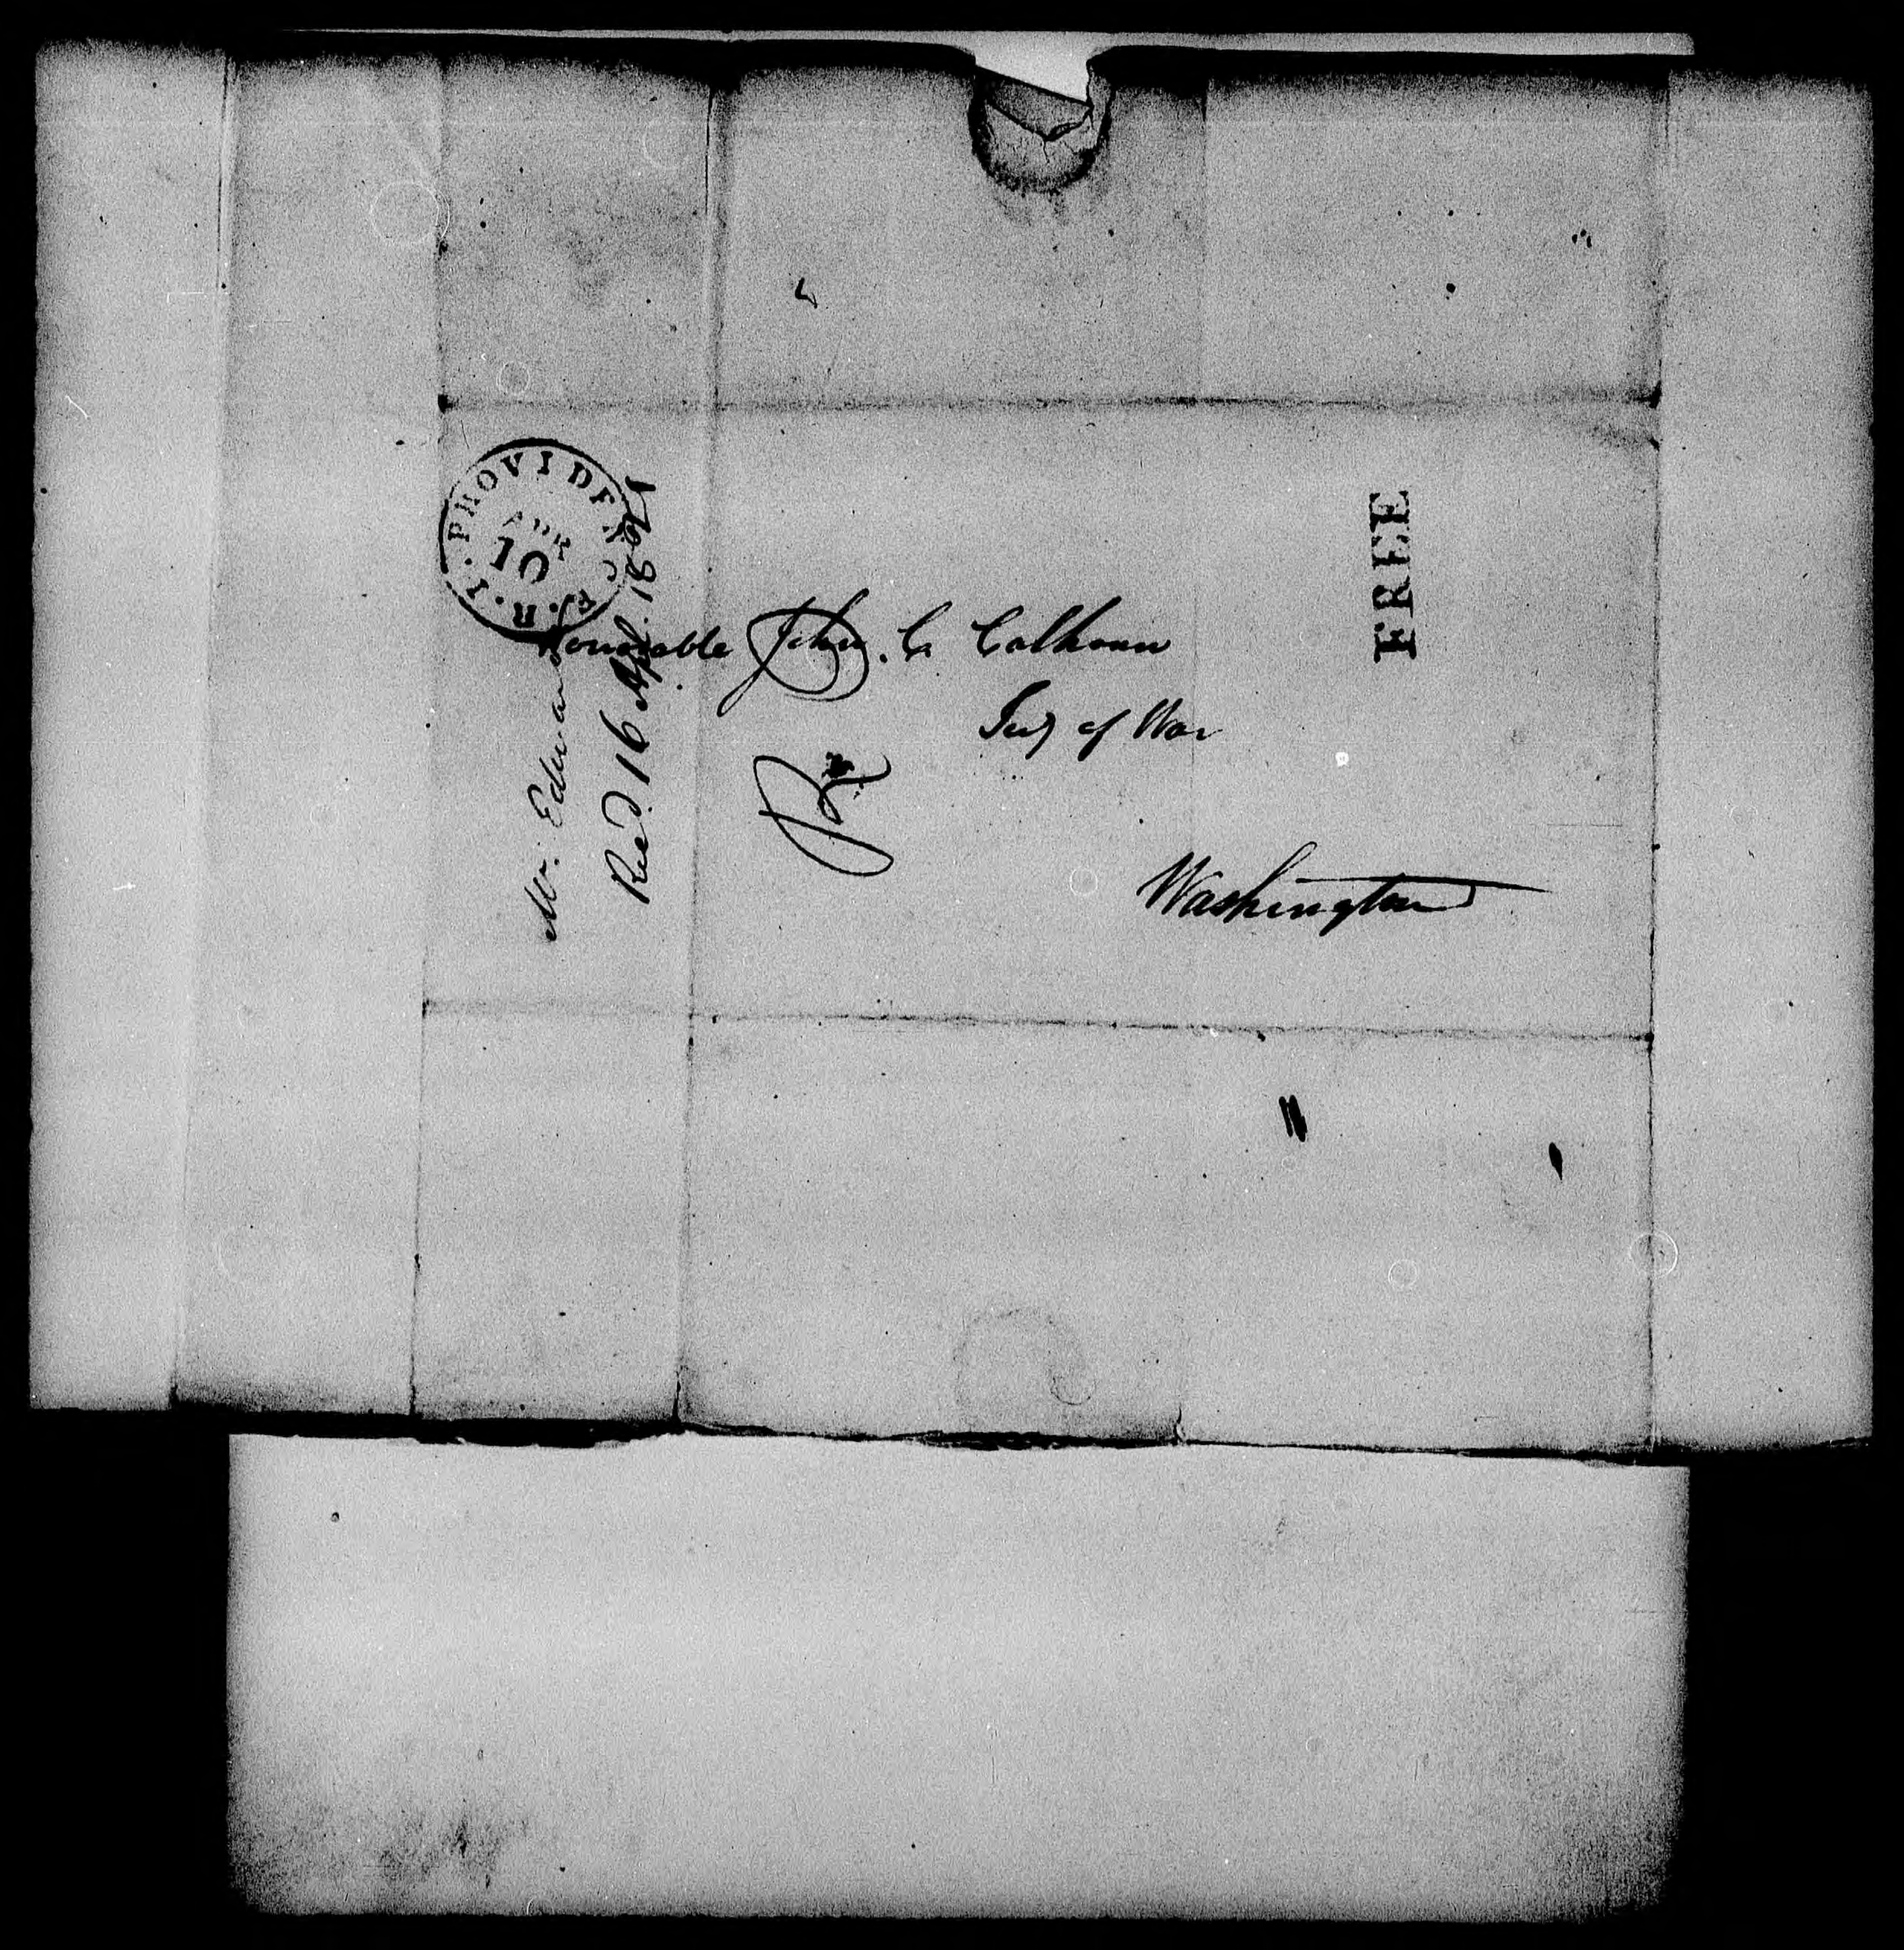[stamp] PROVIDENCE R. I. APR 10
[stamp] FREE
Mr. Edwards Recd. 16 Apl 1821
R I
Honorable John C. Calhoun
Secy of War
Washington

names: John C Calhoun, Edwards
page: 10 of 29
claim: survivor's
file: S. 38679, Nathaniel Elliot, Continental R.I.